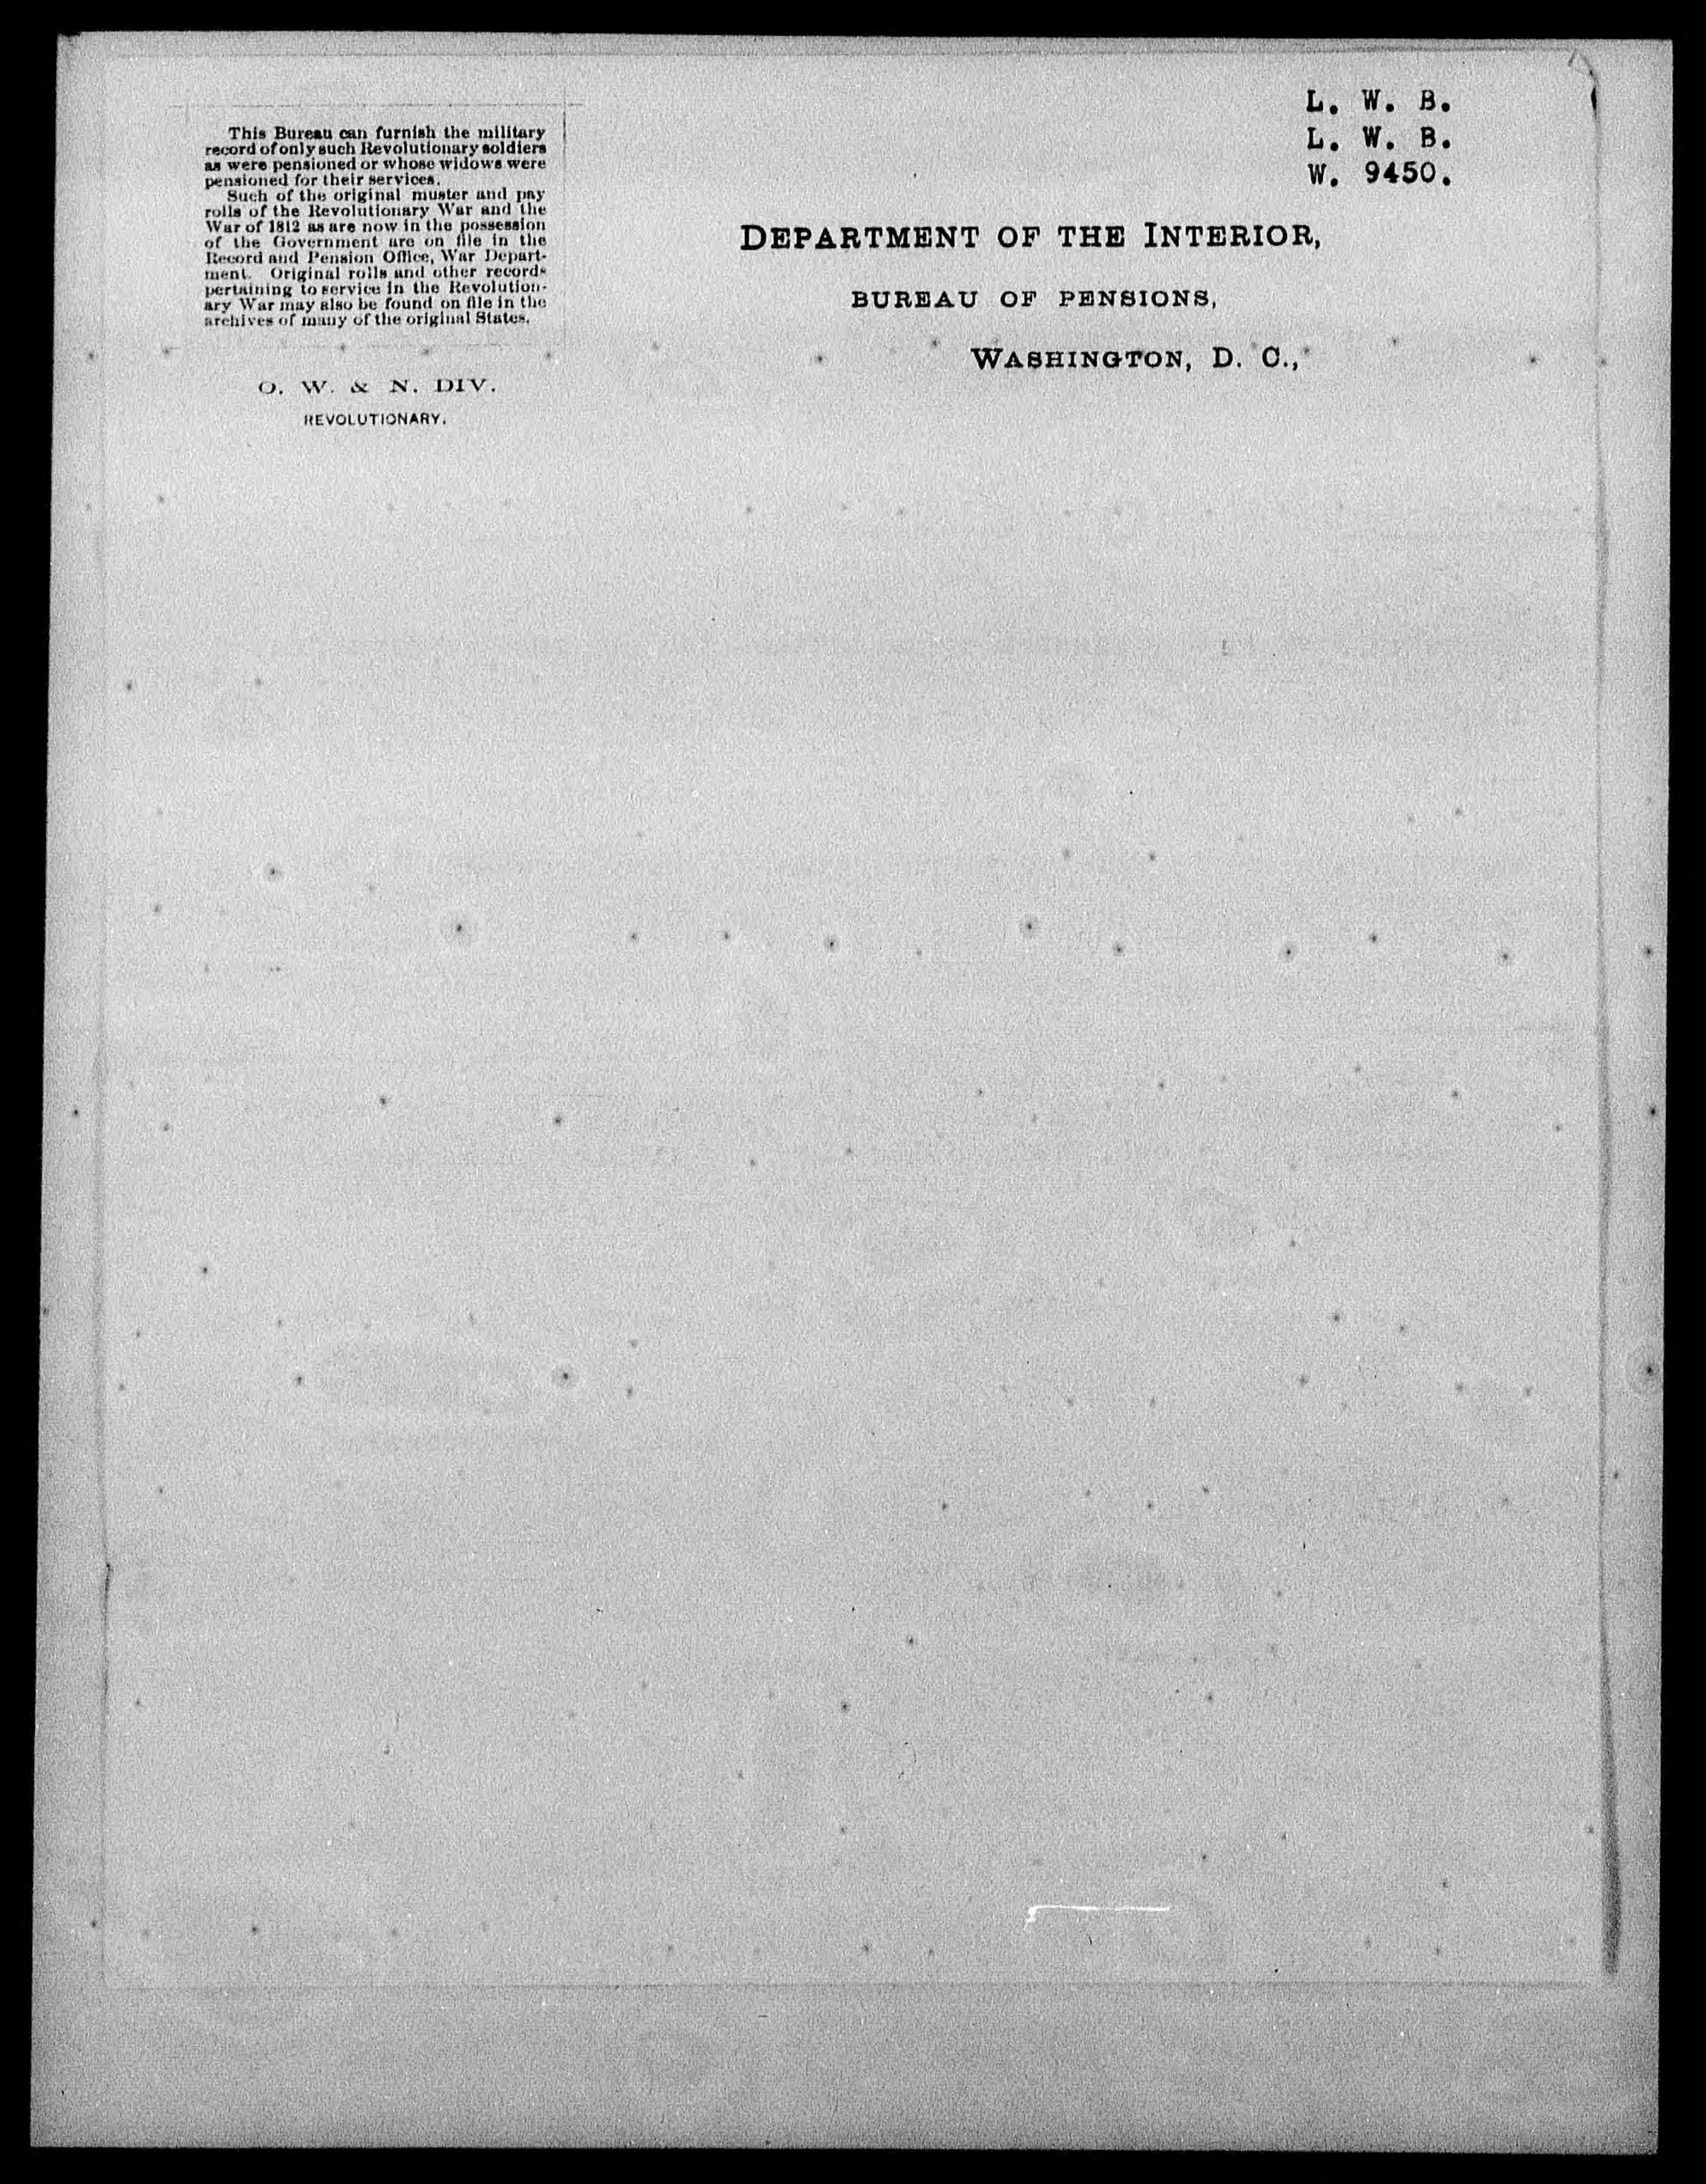This Bureau can furnish the military
record of only such Revolutionary soldiers
as were pensioned or whose widows were
pensioned for their services.
Such of the original muster and pay rolls of the Revolutionary War and the War of 1812 as are now in the possession of the Government are on file in the Record and Pension Office, War Department. Original rolls and other records
pertaining to service in the Revolutionary War may also be found on file in the archives of many of the original States.
O. W. & N. DIV.
REVOLUTIONARY.
L.W.B.
L.W.B
W. 9450,

DEPARTMENT OF THE INTERIOR,
BUREAU OF PENSIONS.
WASHINGTON, D. C.,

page: 29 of 49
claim: widow's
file: W. 859, for James Lambert, New Jersey